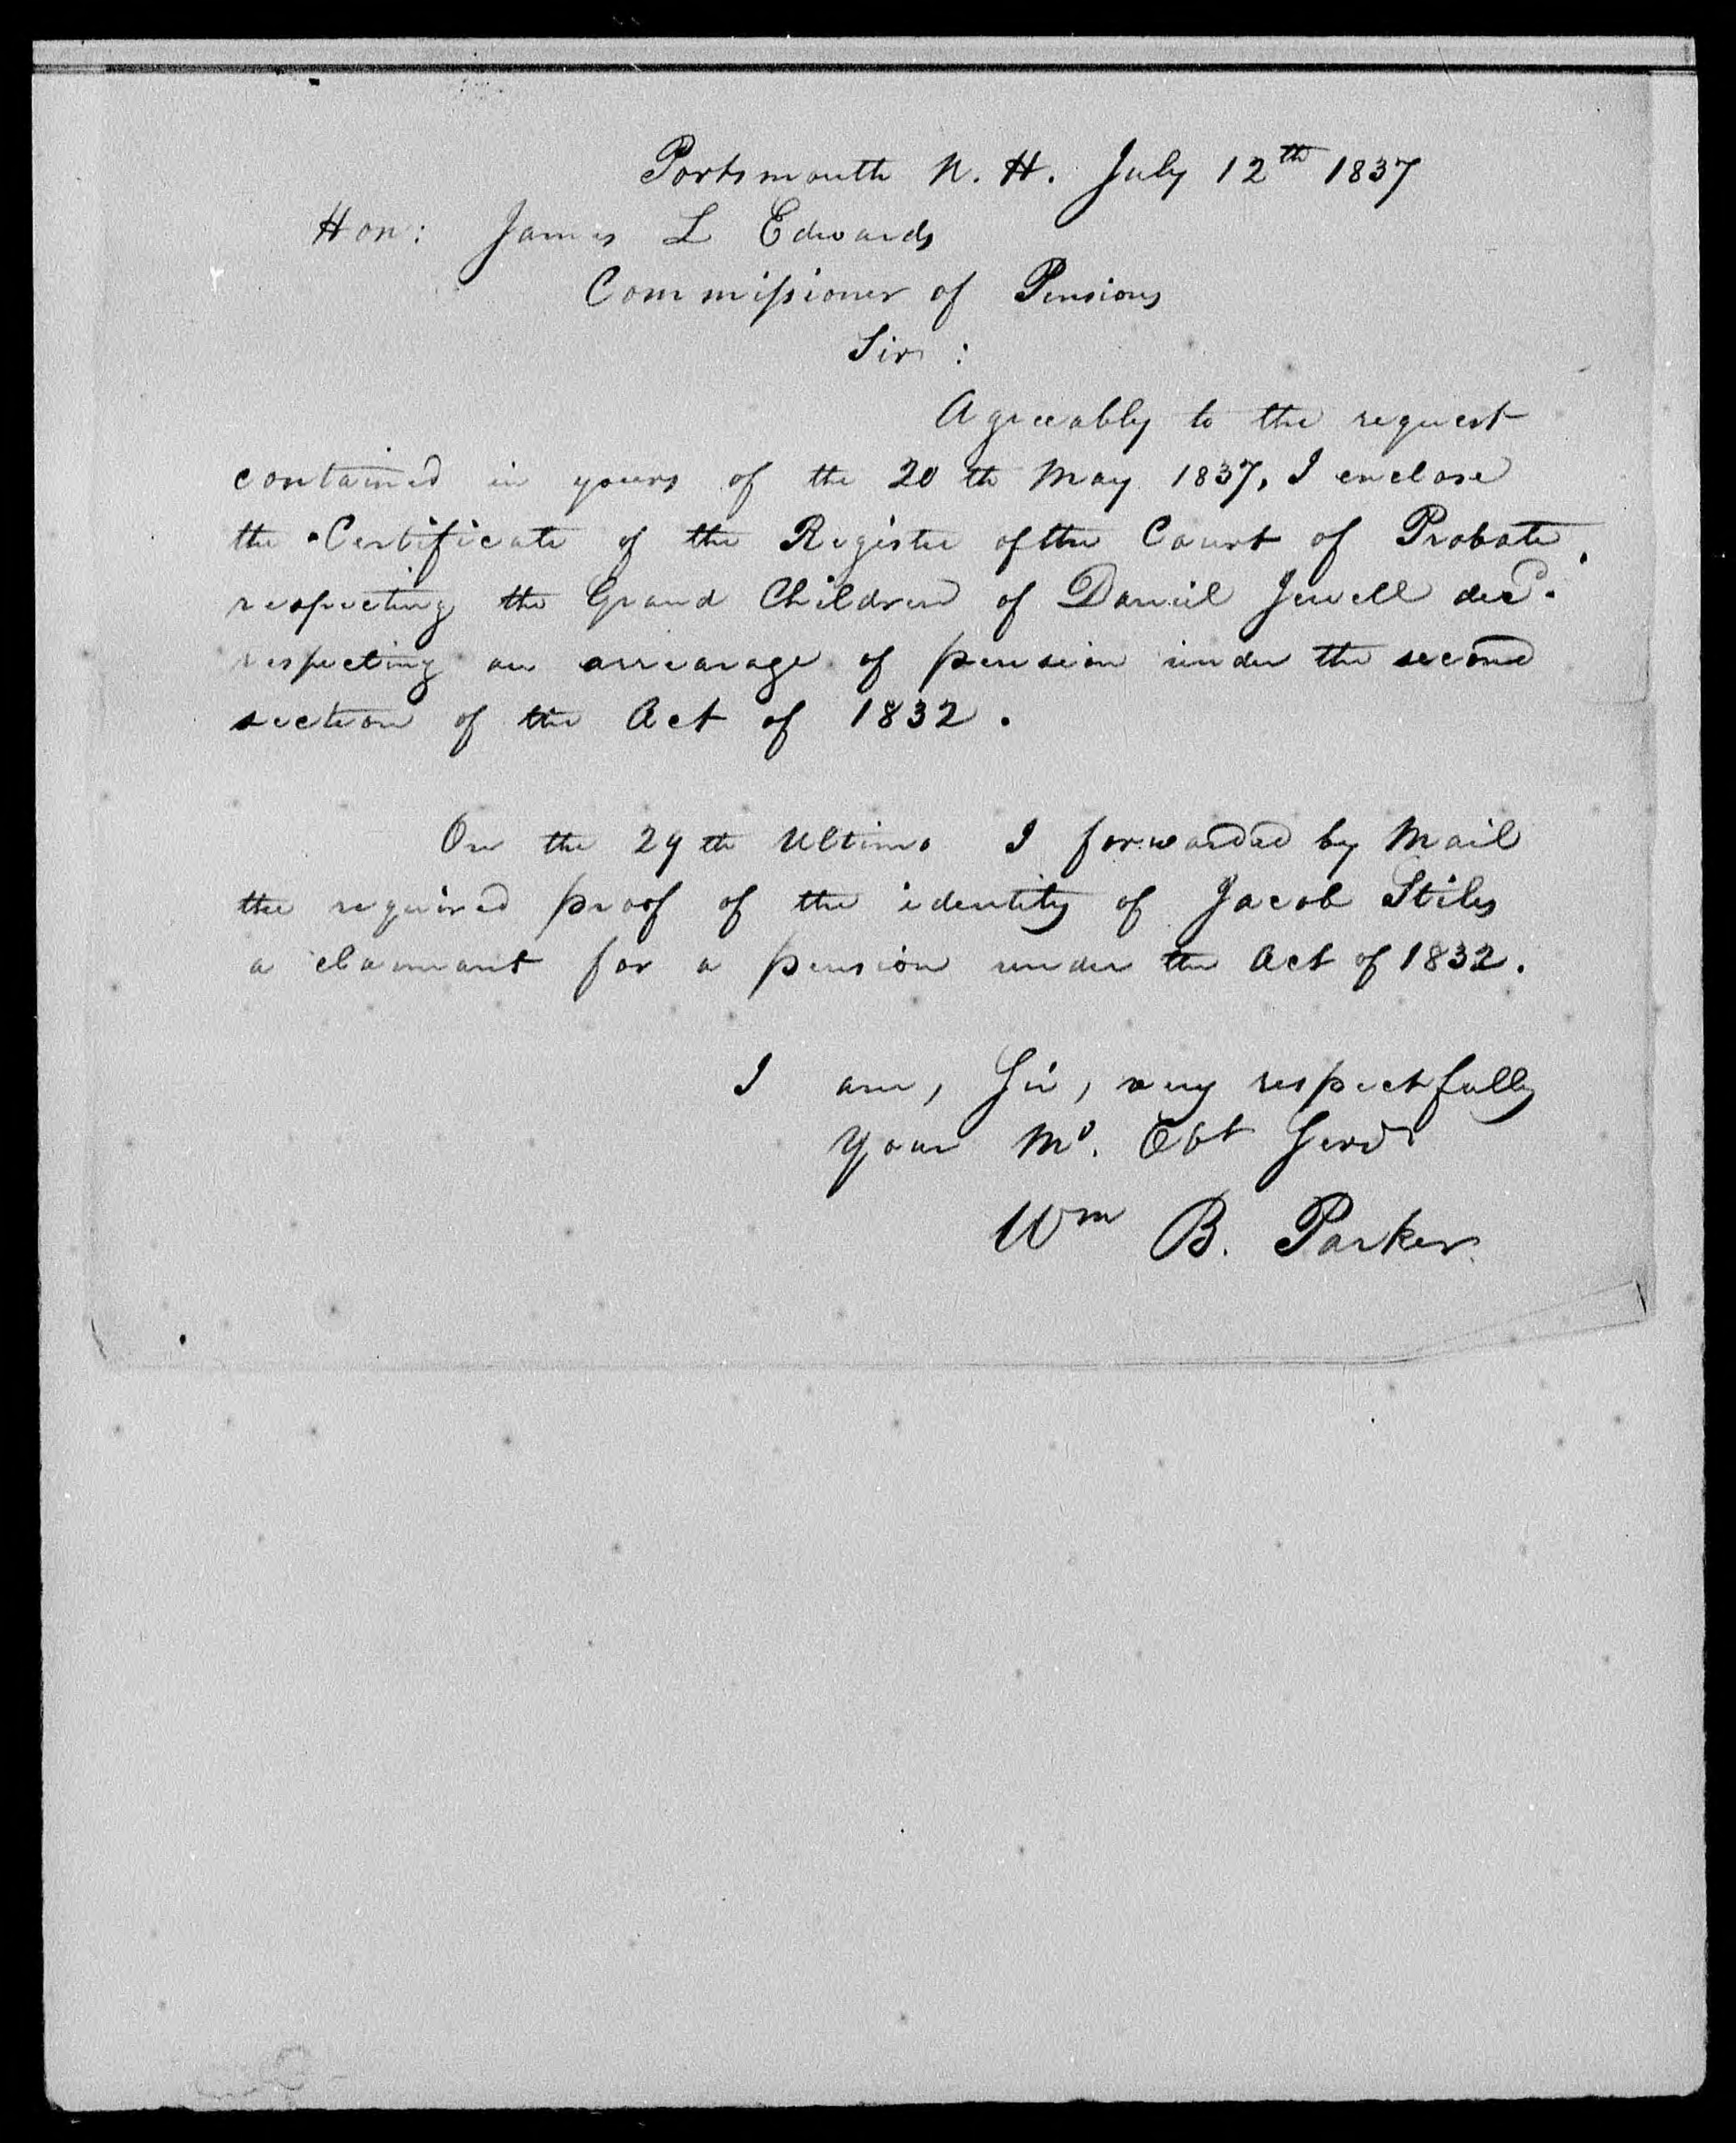Portsmouth N.H. July 12th 1837
Hon [HONORABLE]: James L Edwards
Commissioner of Pensions
Sir:
Agreeably to the request contained in yours of the 20th May 1837, I enclose the Certificate of the Register of the Court of Probate
respecting the Grand Children of Daniel Jewell [DECEASED] dec'd respecting an arrearage of pension under the second section of the act of 1832.
On the 29th Ultimo [last month] I forwarded by Mail the required proof of the identity of Jacob Stiles a claimant for a pension under the Act of 1832.
I am, Sir, very respectfully your Mt. Obt Servt [MOST OBEDIENT SERVANT]

Wm [WILLIAM] B. Parker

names: Jacob Stiles; Daniel Jewell; Wm B Parker; James L Edwards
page: 23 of 35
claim: survivor's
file: S. 10912, for Daniel Jewell, New Hampshire